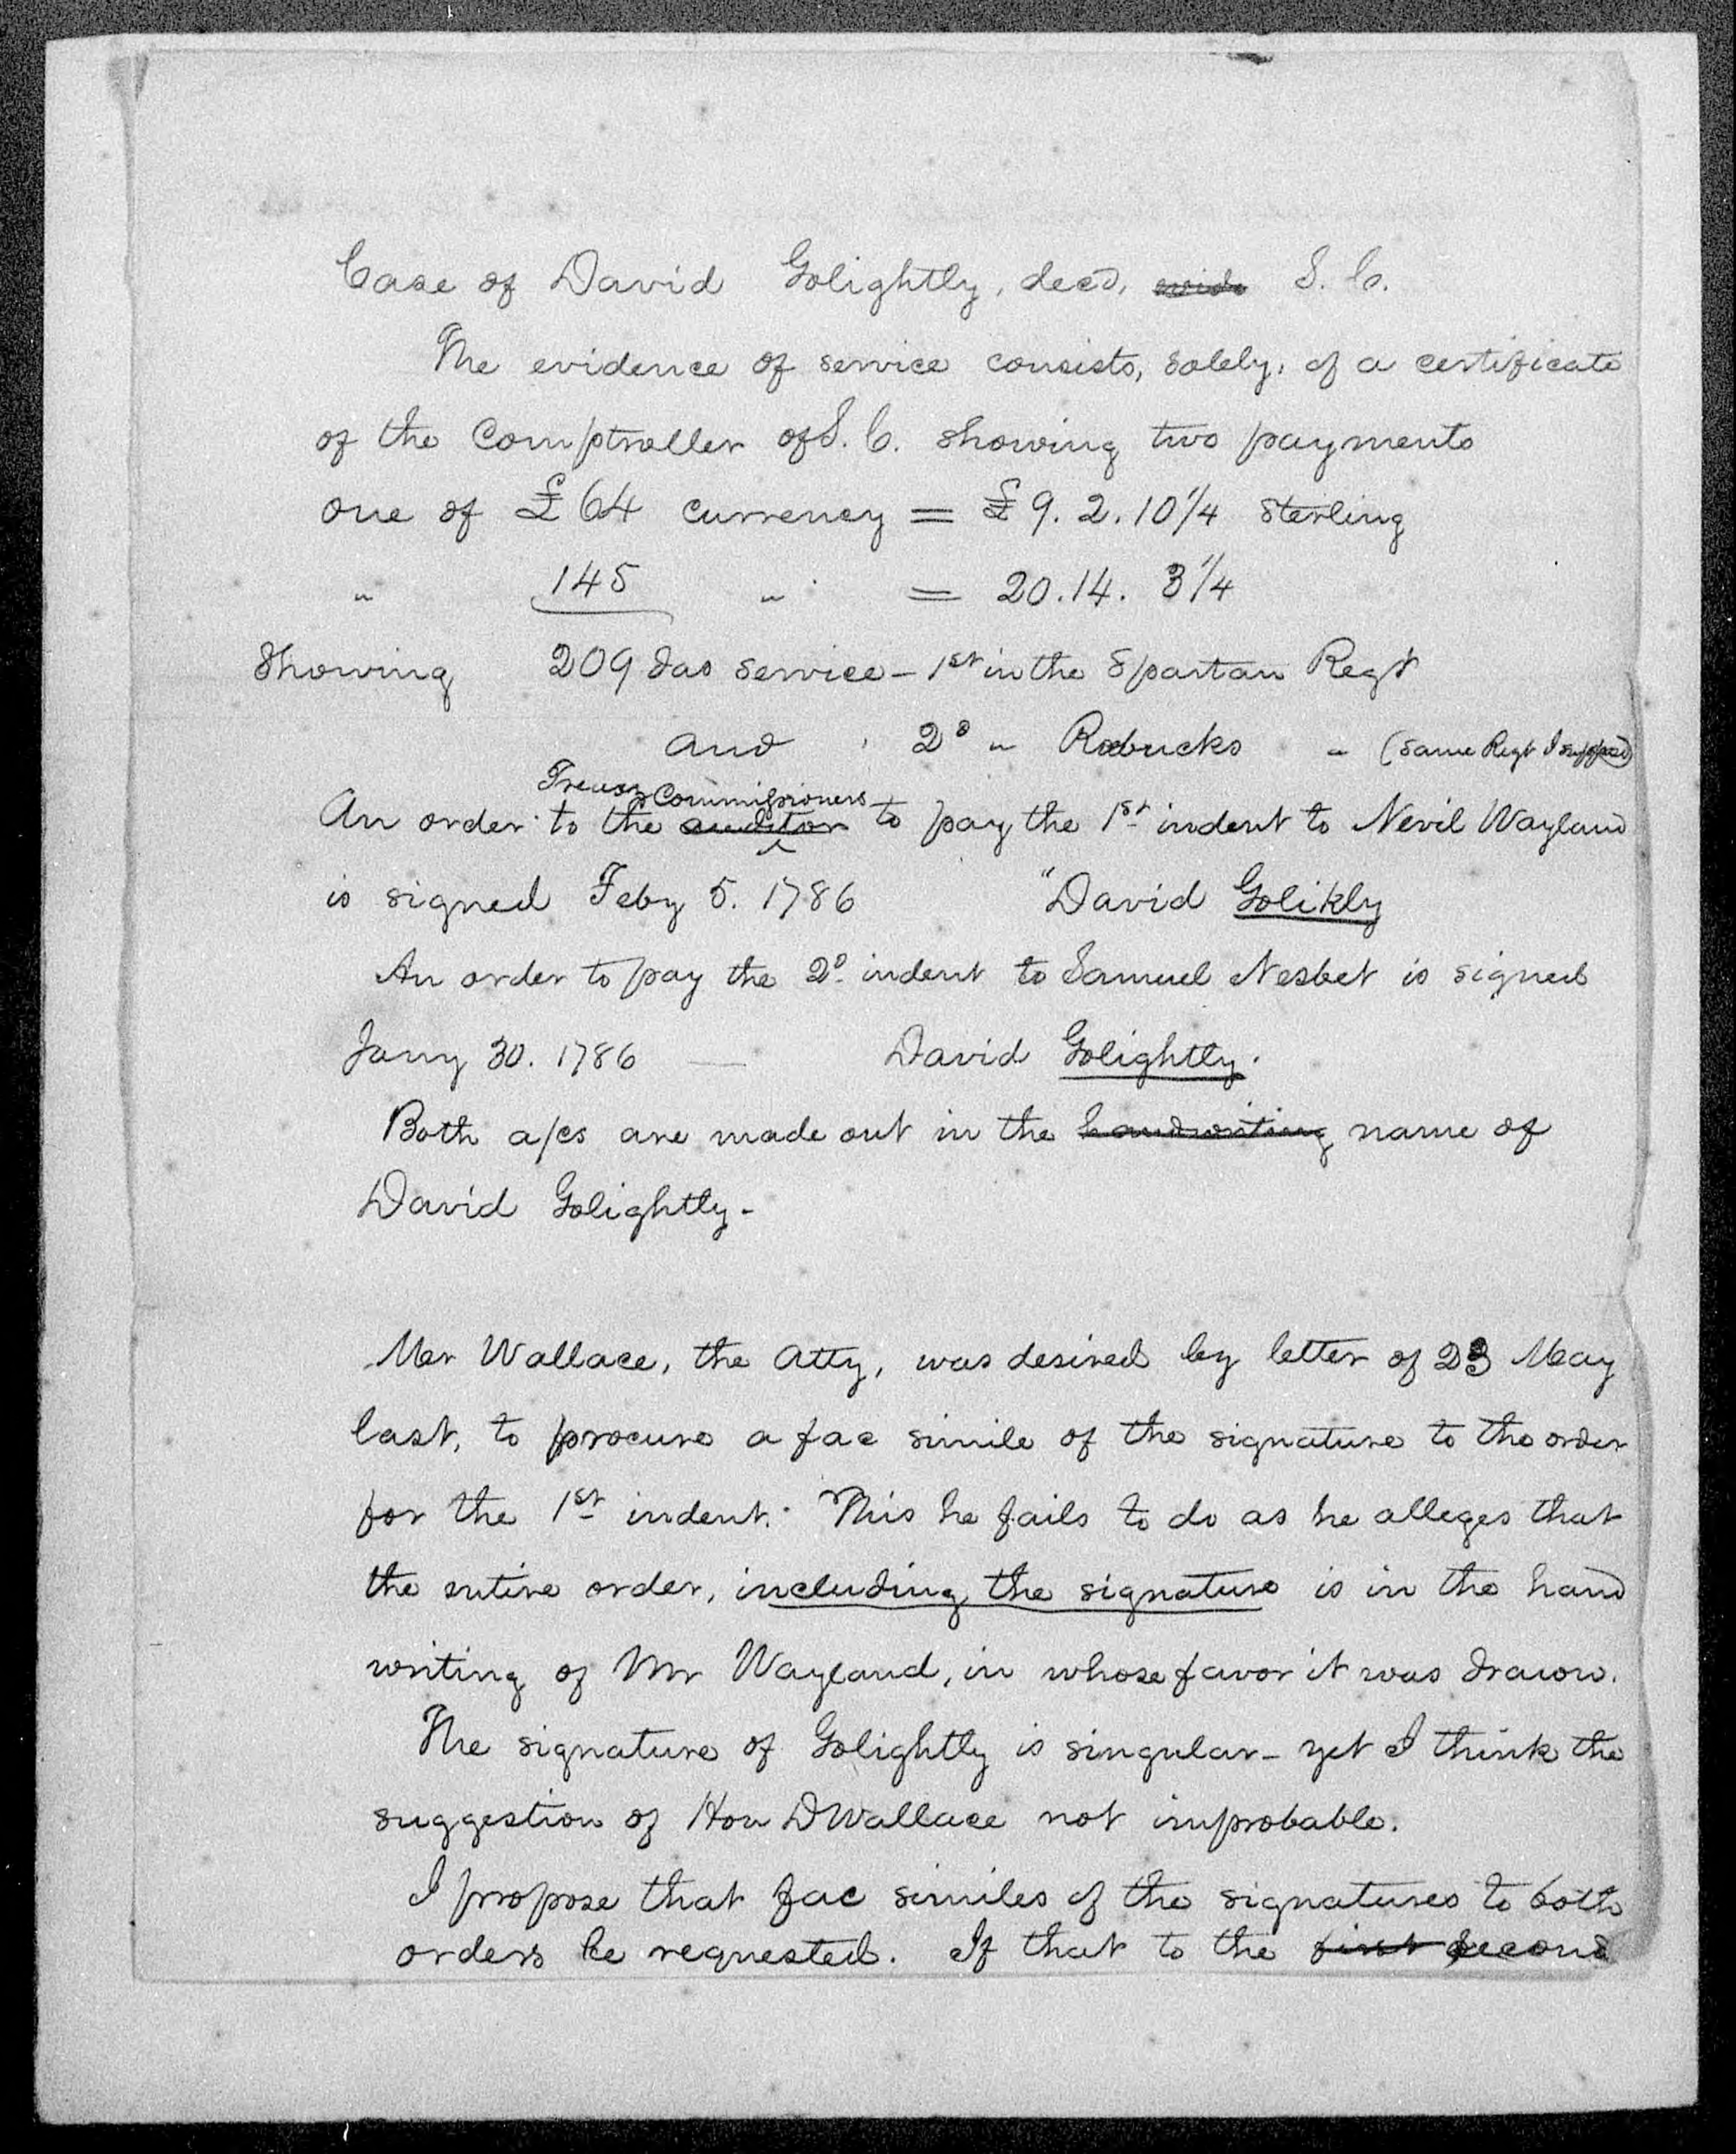Case of David Golightly, dec'd, S.C.

   The evidence of service consists, solely, of a certificate of the Comptroller of S.C. showing two payments one of $64 currency = $9.2.10 1/4 sterling
145 = 20.14. 3 1/4
Showing 209 as service - 1st in the Spartan Reg't
and 2 in Roebucks - (same Reg't I supported)

   An order to the Treasury Commissioners to pay the 1st indent to Nevil Wayland is signed Feb'y 5, 1786 "David Golickly"

  An order to pay the 2nd indent to Samuel Nesbett is signed January 30, 1786 - David Golightly.

  Both a/cs are made out in the name of David Golightly.

   Mr. Wallace, the Atty, was desired by letter of 23 May last, to procure a facsimile of the signature to the order for the 1st indent.  This he fails to do as he alleges that the entire order, including the signature is in the hand writing of Mr. Wayland, in whose favor it was drawn.  

   The signature of Golightly is singular - yet I think the suggestion of Hon. D. Wallce is not improbable.

   I propose that facsimiles of the signatures to both orders be requested.  If that to the second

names: David Golightly, D Wallace, Wayland, Nevil Wayland, David Golightly, David Golightly, Wallace, Samuel Nesbet, Golightly, David Golikly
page: 24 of 57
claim: survivor's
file: S. 18888, David Golightly, S.C.